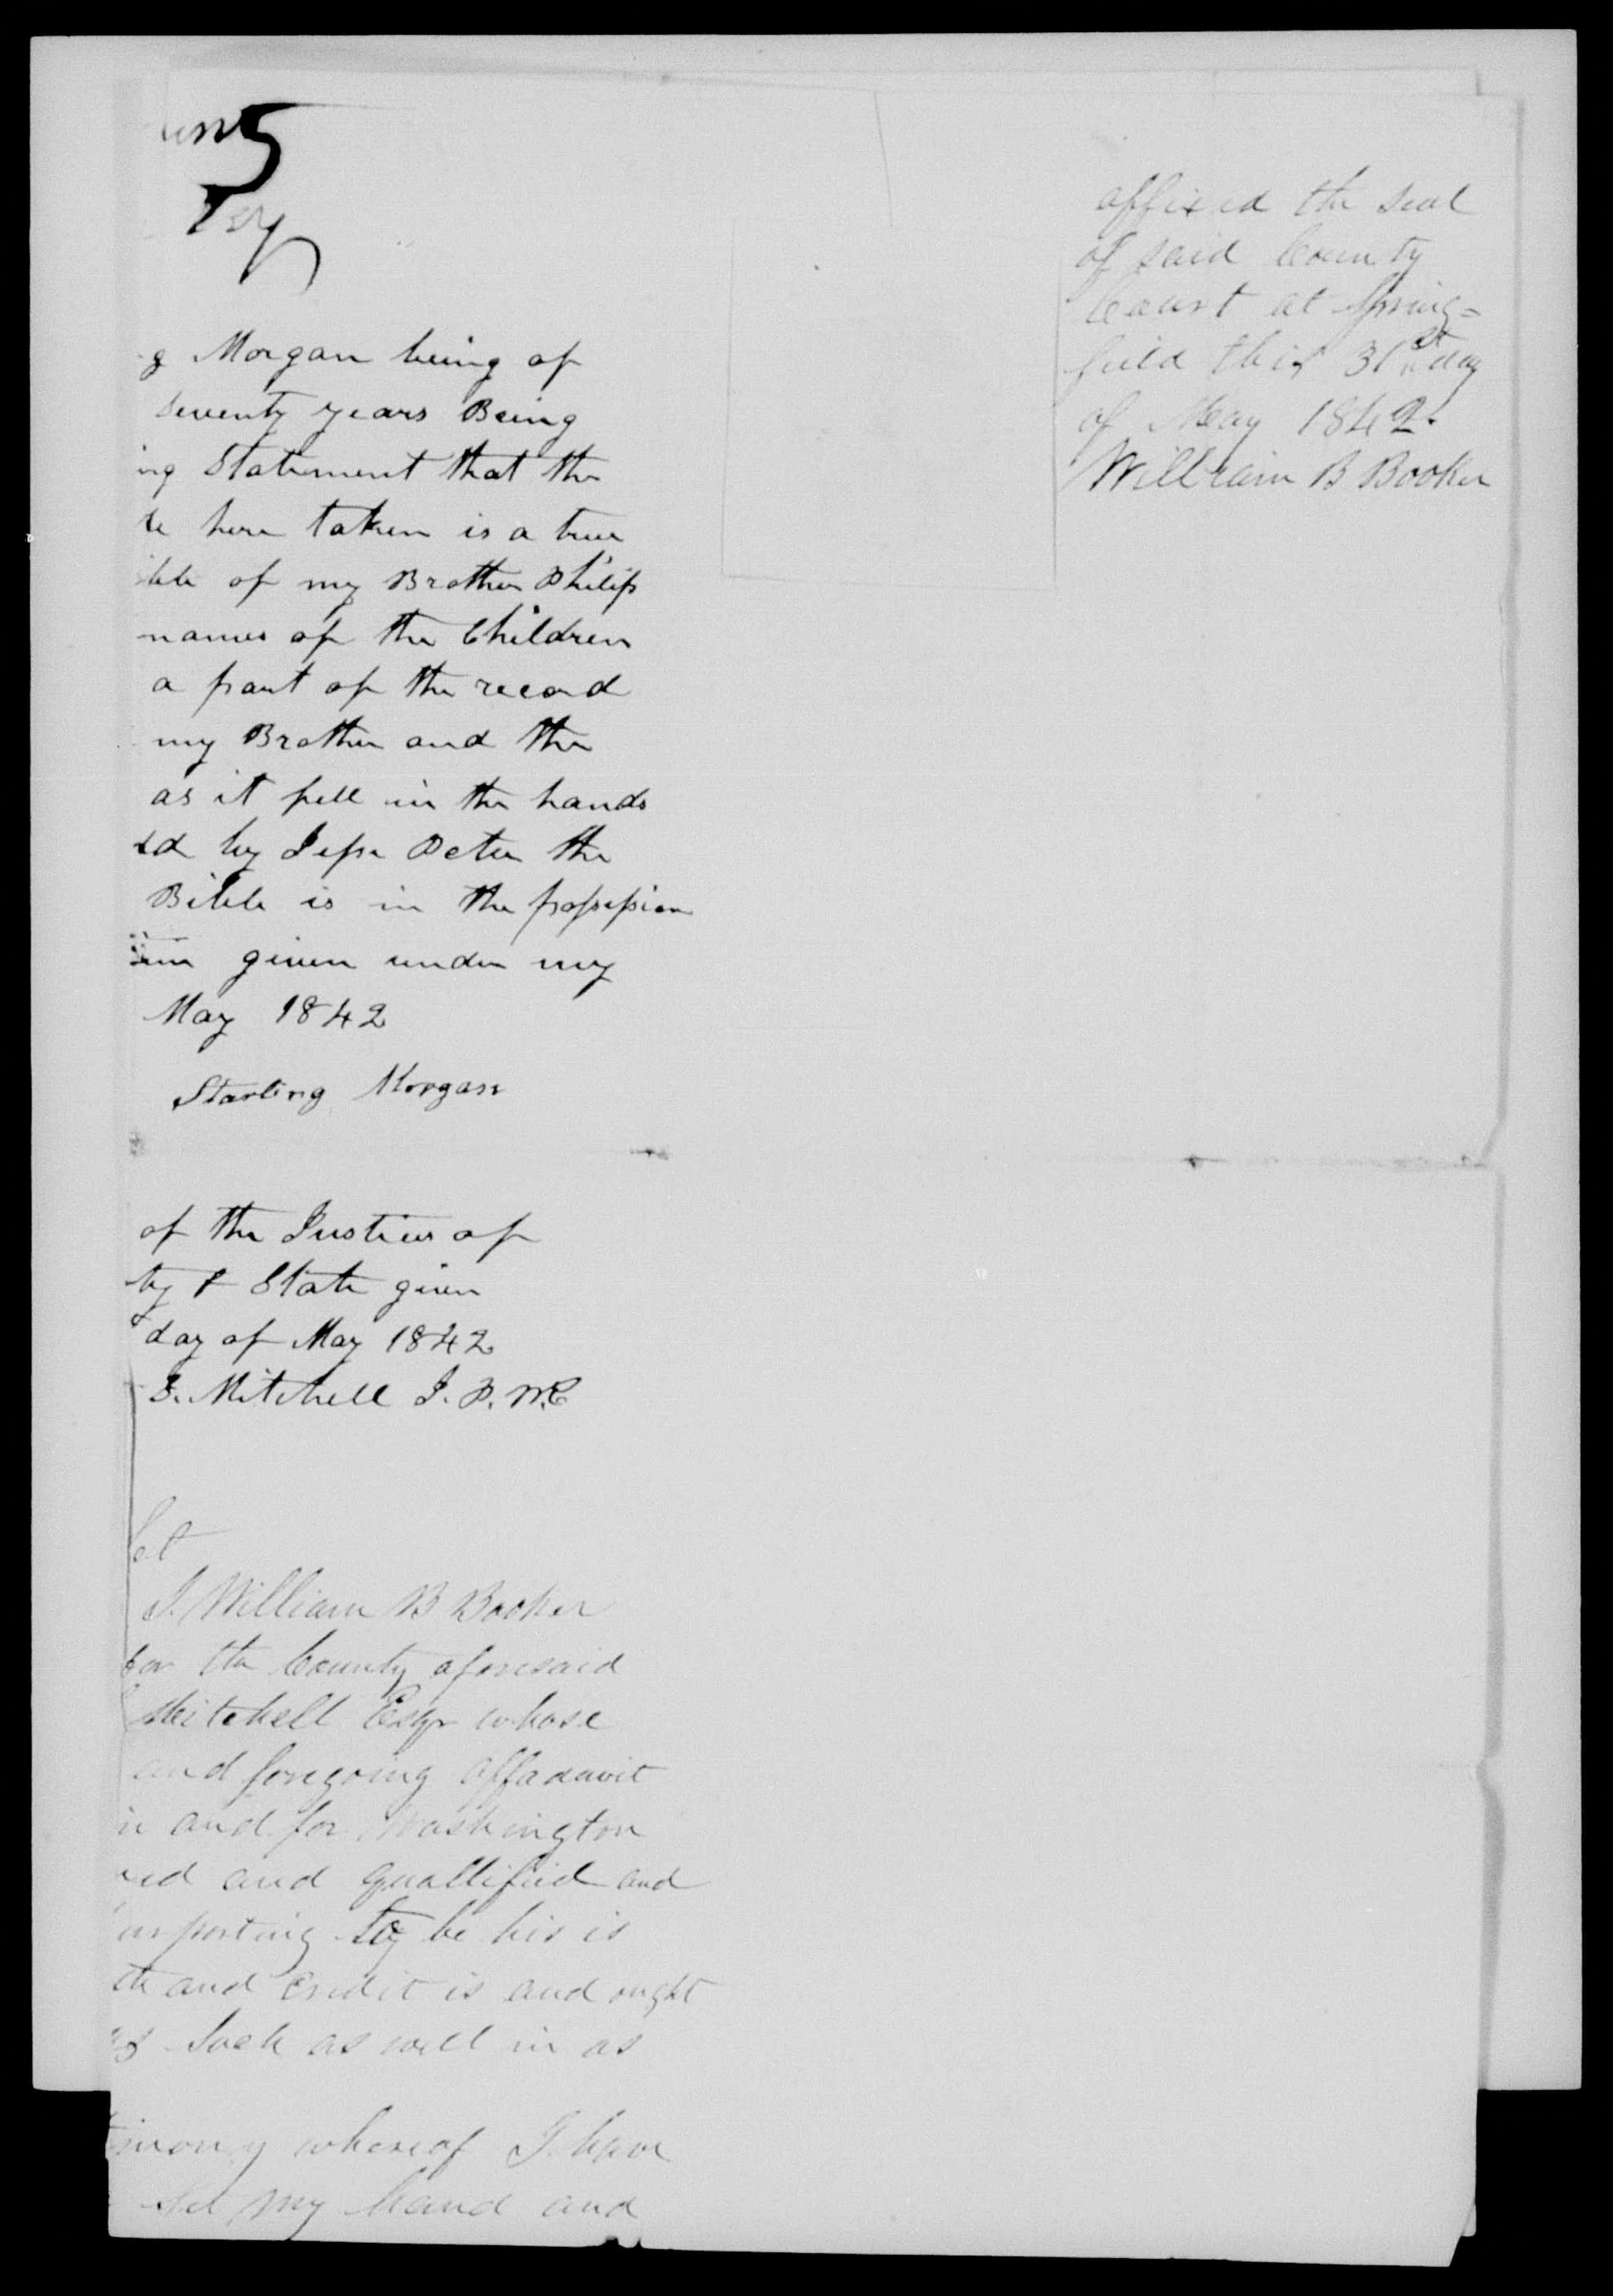[left margin missing parts]
Morgan being of
Seventy years being
ing statement that the
here taken is a true
ble of my Brother Philip
names of the Children
a part of the record
my Brother and the
as it fell in the hands
by Jesse Peter the
Bible is in the possession
given under my
May 1842
Starling Morgan
of the Justices of
ty & State given
day of May 1842
S. Mitchell J.P. W.
I William B Booker
for the County aforesaid
Mitchell Esqr whose
and foregoing affadavit
in and for Washington
ed and quallified and
urporting to be his is
th and credit is and ought
Such as well in as
timony whereof I have
Set my hand and
affixed the seal
of said County
Court at Spring
field this 31st day
of May 1842.
William B Booker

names: William B Booker; Starling Morgan; Philip [BLANK]; Jesse Peter; G Morgan; S Mitchell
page: 7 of 16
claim: rejected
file: R 7386, for Philip Morgan, Georgia